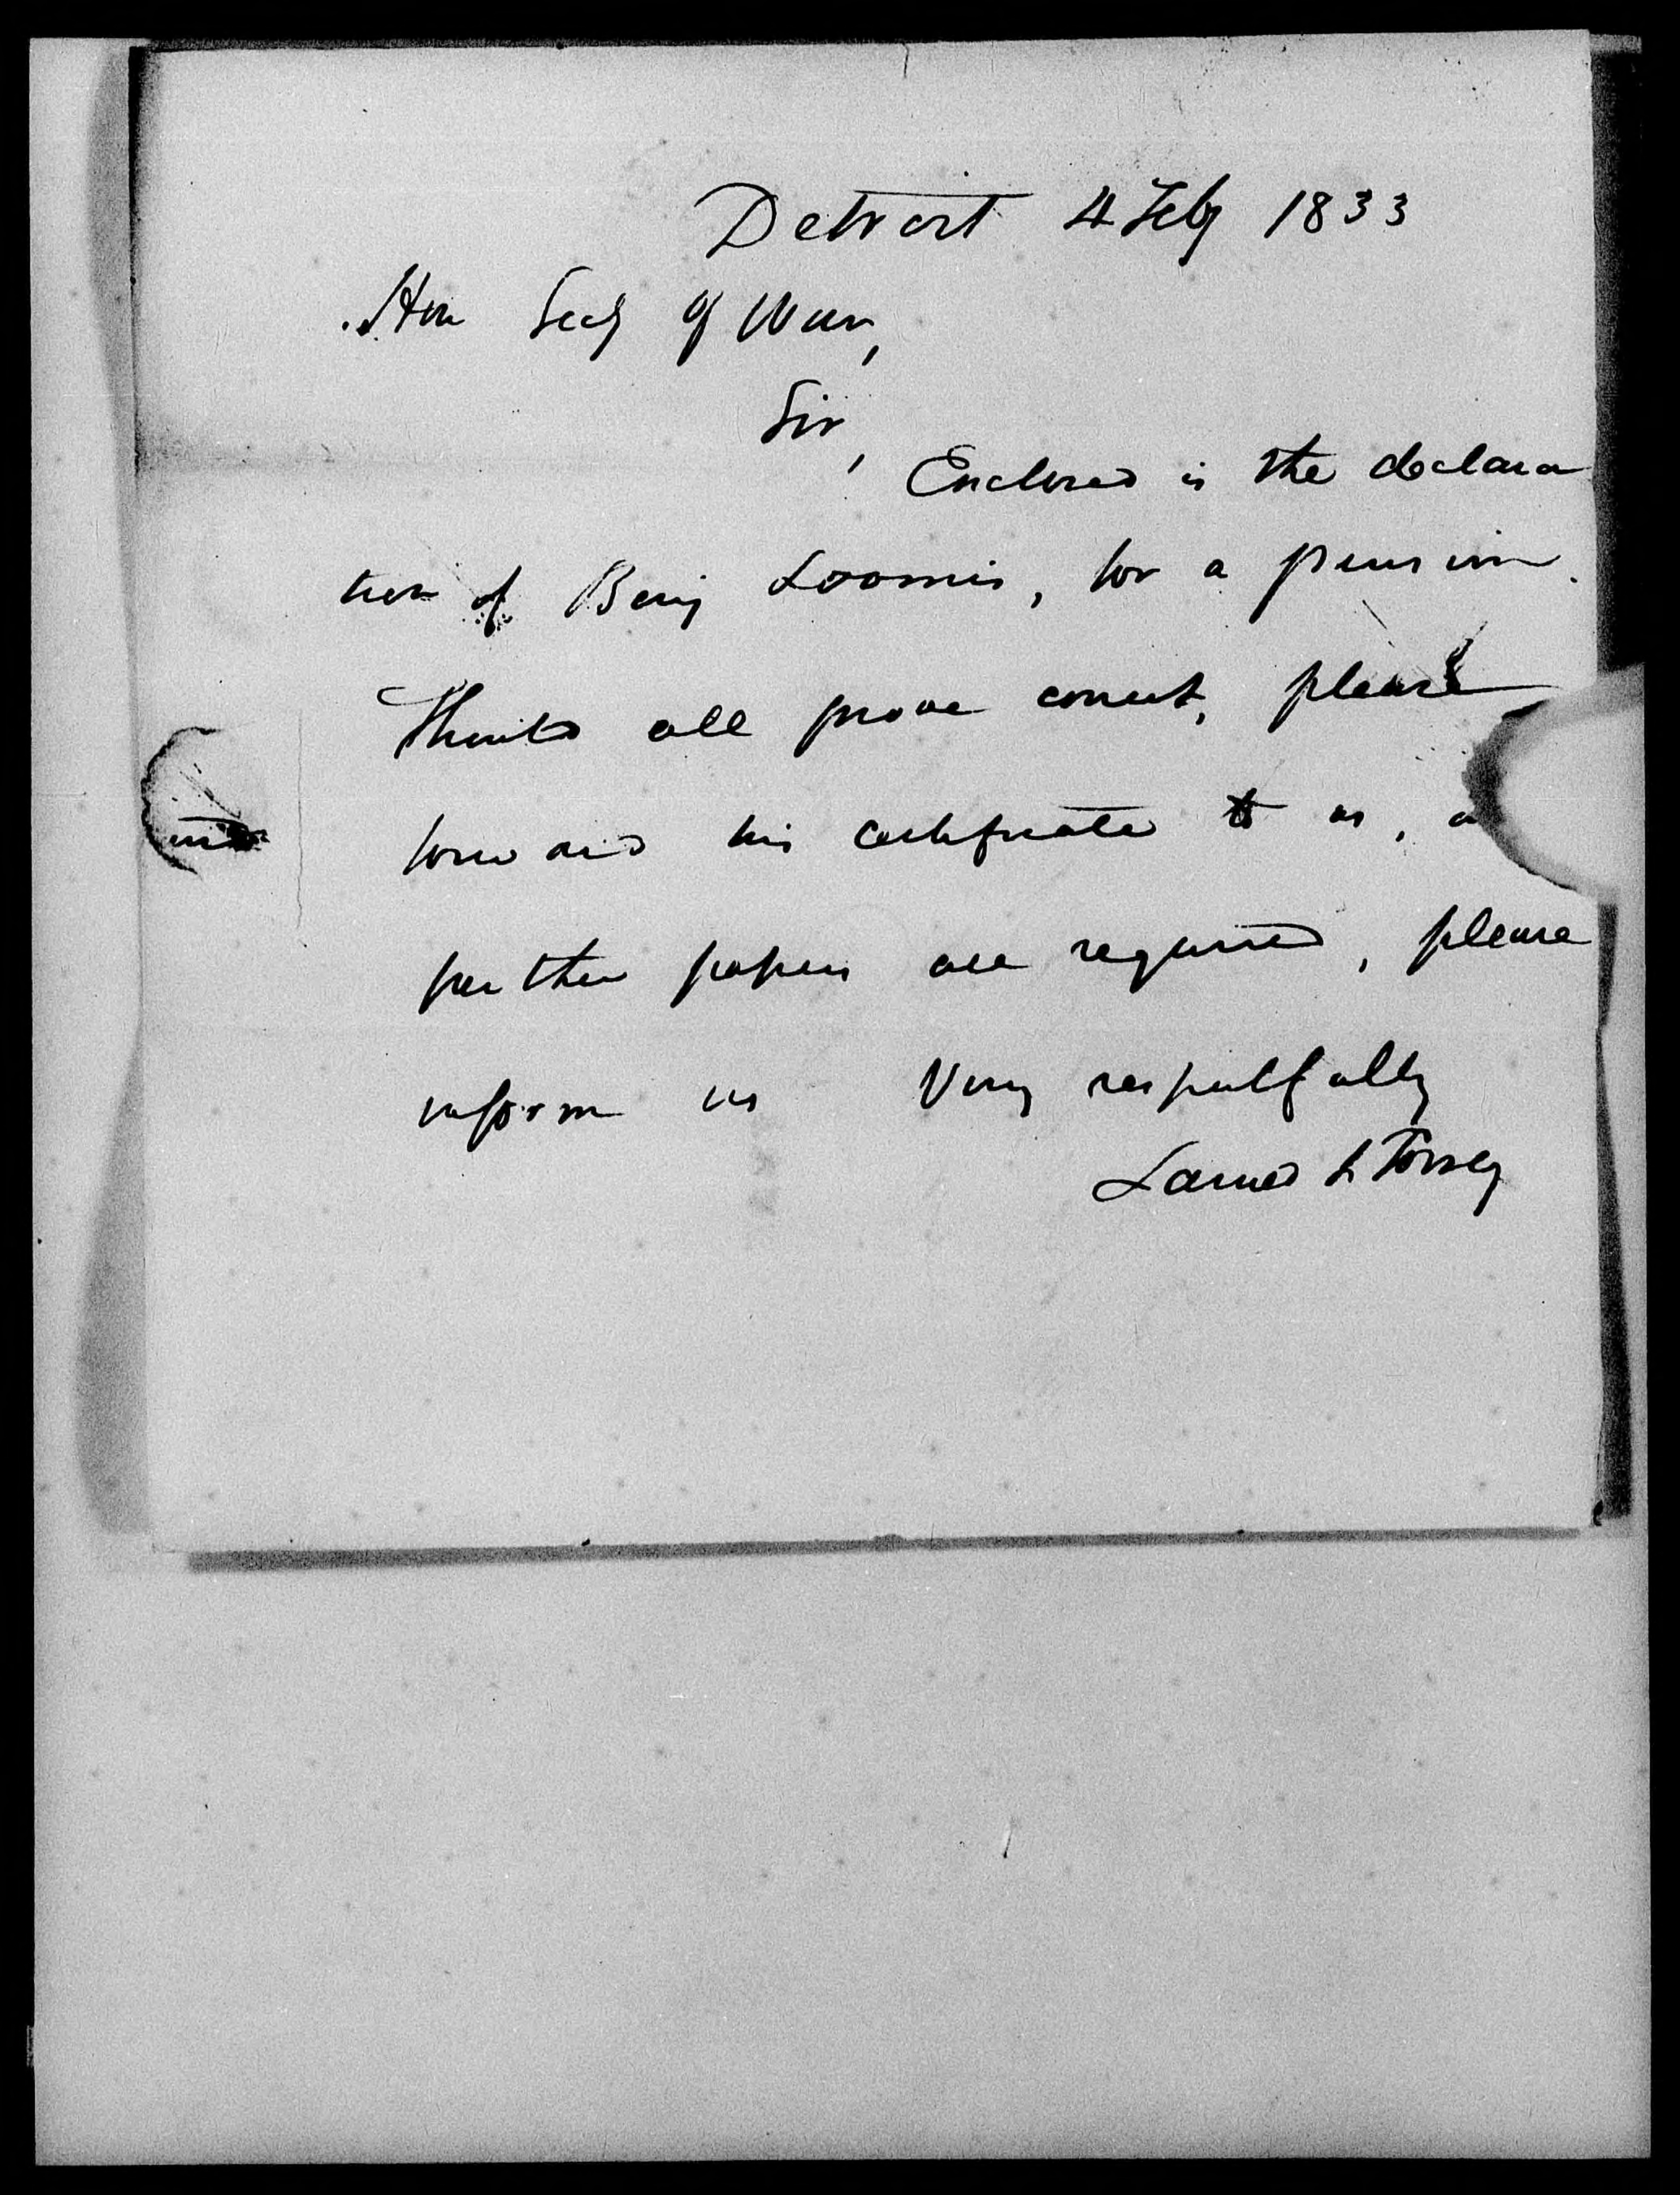Detroit 4 Feby 1833

Hon Sec of War,
Sir, 
Enclosed is the declaration of Benj Loomis, for a pension. That all prove court, please forward his certificate to [illegible] further papers as required, please inform us.
Very respectfully,
James L Towey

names: [BLANK] Towey; Benj Loomis; [BLANK] Larned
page: 13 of 13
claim: rejected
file: R. 6441, for Benjamin Loomis, Connecticut